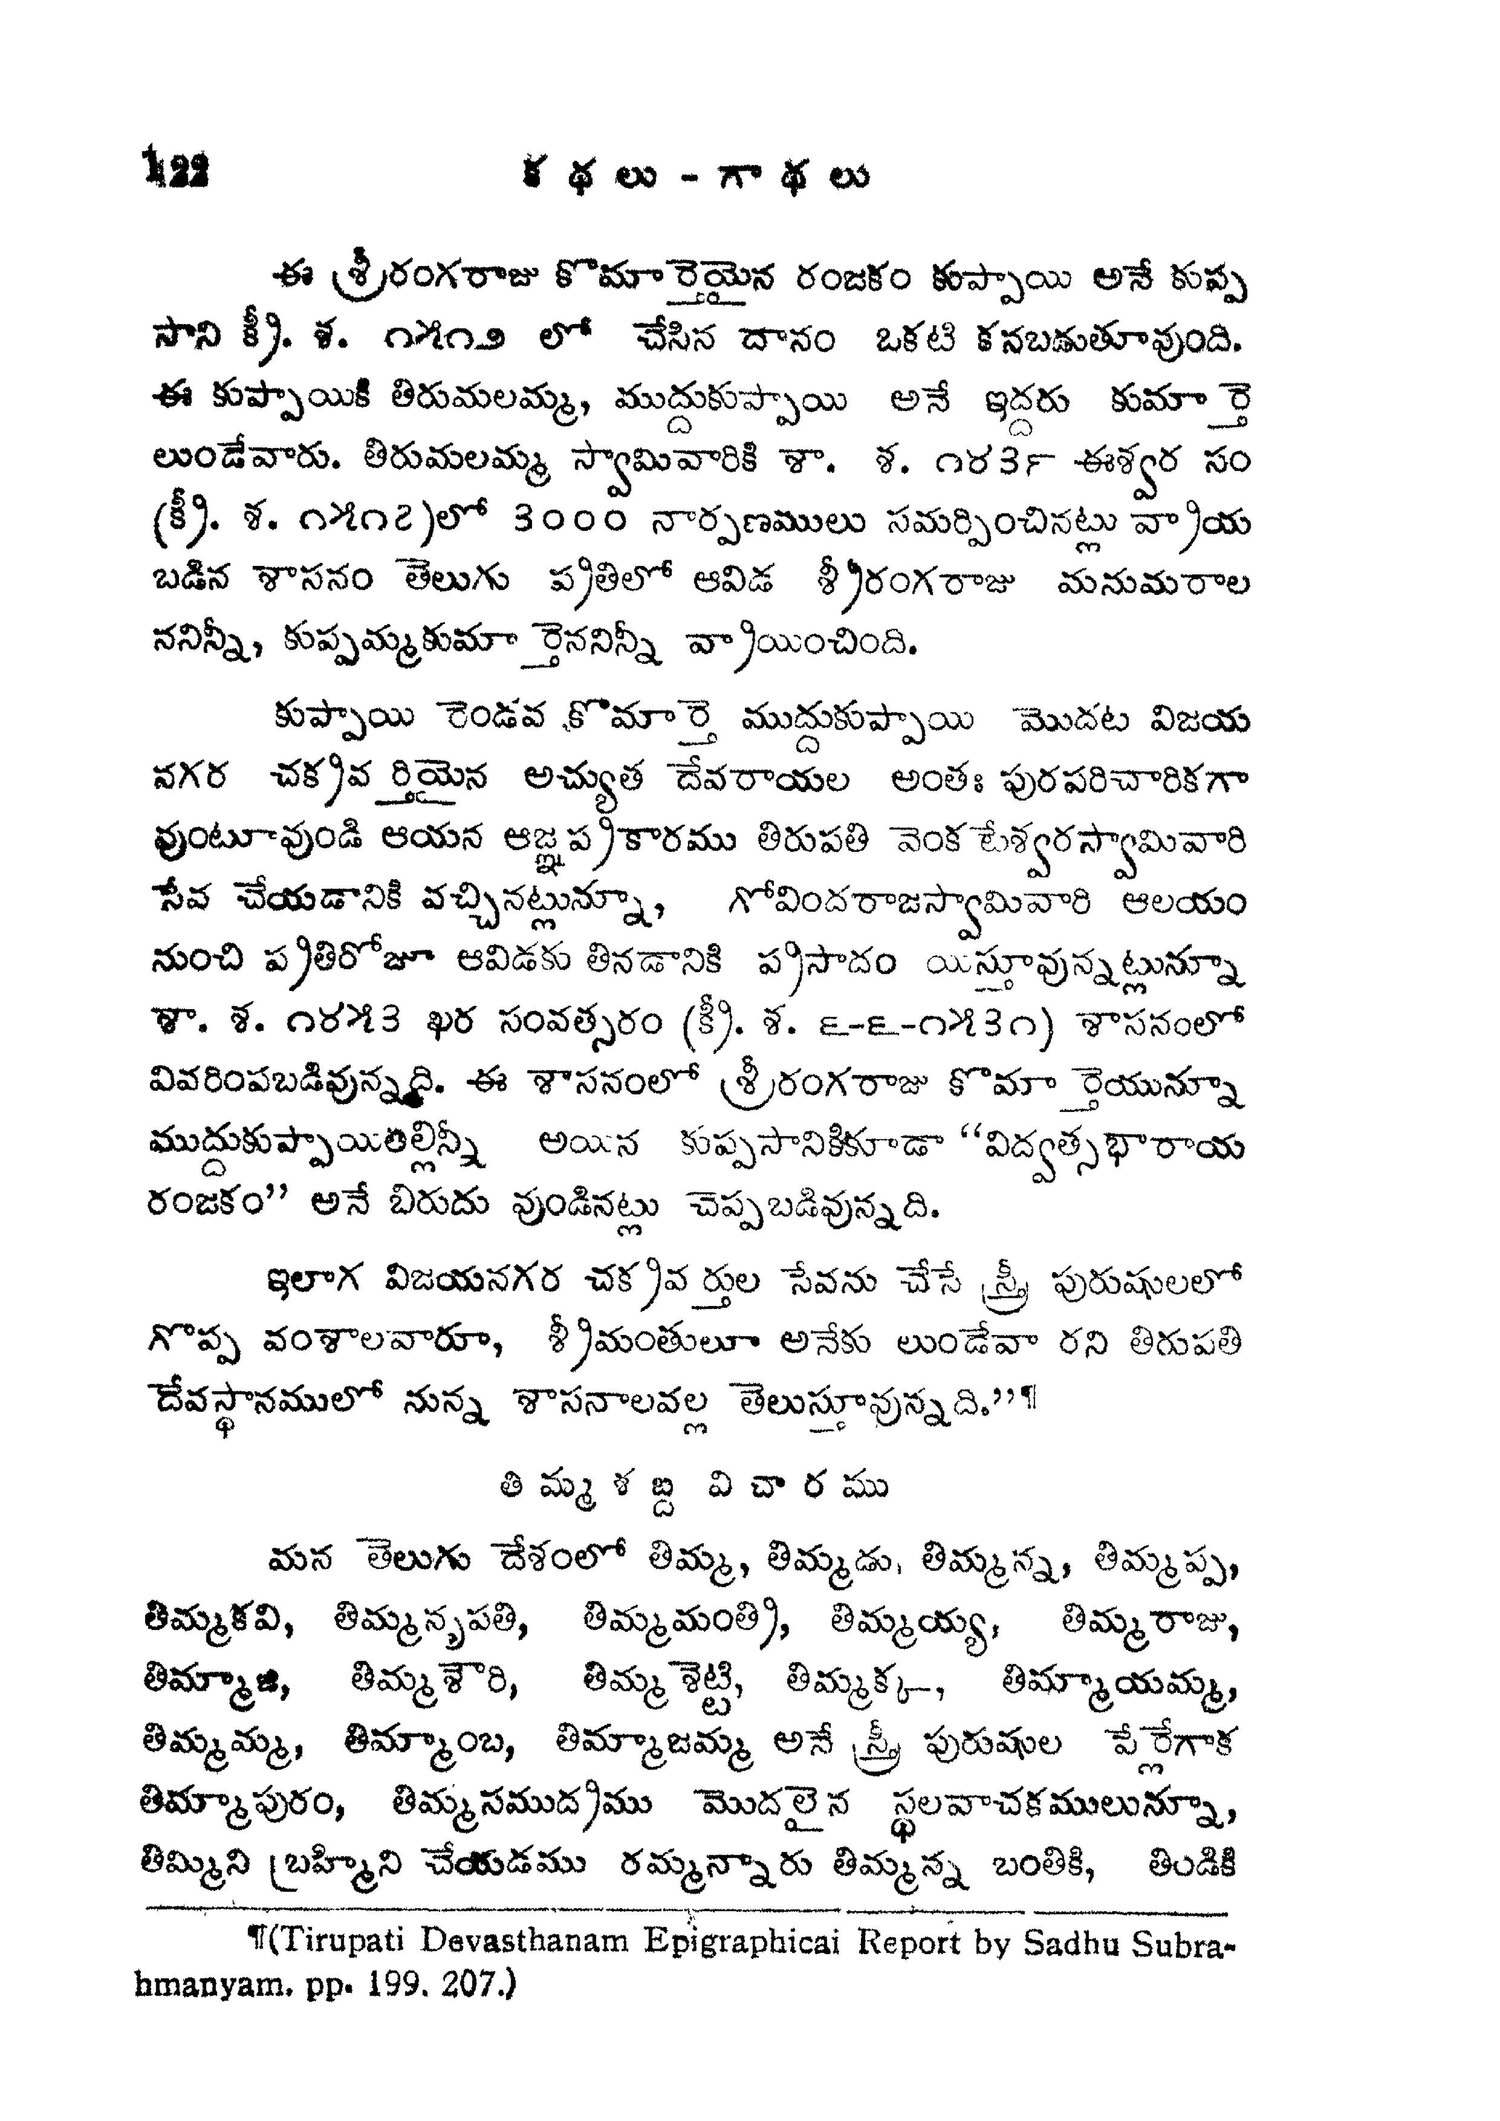ఈ శ్రీరంగరాజు కొమర్తెయైన రంజకం కుప్పాయి అనే కుప్పసాని క్రీ.శ.1512 లో చేసిన దానం ఒకటి కనబడుతూవుంది. ఈ కుప్పాయికి తిరుమలమ్మ, ముద్దుకుప్పాయి అనే ఇద్దరు కుమర్తెలుండేవారు. తిరుమలమ్మ స్వామివారికి శా.శ.1439 ఈశ్వర సం (క్రీ.శ.1517)లో 3000 నార్పణములు సమర్పించినట్లు వ్రాయబడిన శాసనం తెలుగు ప్రతిలో ఆవిడ శ్రీరంగరాజు మనుమరాలనిన్నీ, కుప్పమ్మకుమార్తెననిన్నీ వ్రాయించింది.

కుప్పాయి రెండవ కొమర్తె ముద్దుకుప్పాయి మొదట విజయనగర చక్రవరియైన అచ్యుత దేవరాయల అంత:పురపరిచారికగా వుంటూవుండి ఆయన ఆజ్ఞప్రకారము తిరుపతి వెంకటేశ్వరస్వామివారి సేవ చేయడానికి వచ్చినట్లున్నూ, గోవిందరాజ స్వామివారి ఆలయం నుంచి ప్రతిరోజూ ఆవిడకు తినడానికి ప్రసాదం యిస్తూవున్నట్లున్నూ శా.శ.1453 ఖర సంవత్సరం(క్రీ.శ.6-6-1531) శాసనంలో వివరింపబడివున్నది. ఈశాసనంలో శ్రీరంగరాజు కొమార్తెయున్నూ ముద్దుకుప్పాయితల్లిన్నీ అయిన కుప్పసానికీకూడా "విధ్యుత్సభారాయరంజకం" అనే బిరుదు వుండినట్లు చెప్పబడివున్నది.

ఇలాగ విజయనగర చక్రవర్తుల సేవను చేసే స్త్రీ పురుషులలో గొప్ప వంశాలవారూ, శ్రీమంతులూ అనేకు లుండేవారని తిరుపతి దేవస్థానములోనున్న శాసనాలవల్ల తెలుస్తూవున్నది."

మన తెలుగు దేశంలొ తిమ్మ, తిమ్మడు, తిమ్మన్న, తిమ్మప్ప, తిమ్మకవి, తిమ్మనృపతి, తిమ్మమంత్రి, తిమ్మయ్య, తిమ్మరాజు, తిమ్మాజి, తిమ్మశౌరి, తిమ్మశెట్తి, తిమ్మక్క, తిమ్మాయమ్మ, తిమ్మమ్మ,తిమ్మాంబ, తిమ్మాజమ్మ అనే స్త్రీ పురుషుల పేర్లేగాక తిమ్మాపురం, తిమ్మసముద్రము మొదలైన స్థలవాచకములున్నూ, తిమ్మిని బ్రహ్మిని చేయడము రమ్మన్నారు తిమ్మన్న బంతికి, తిండికి

1